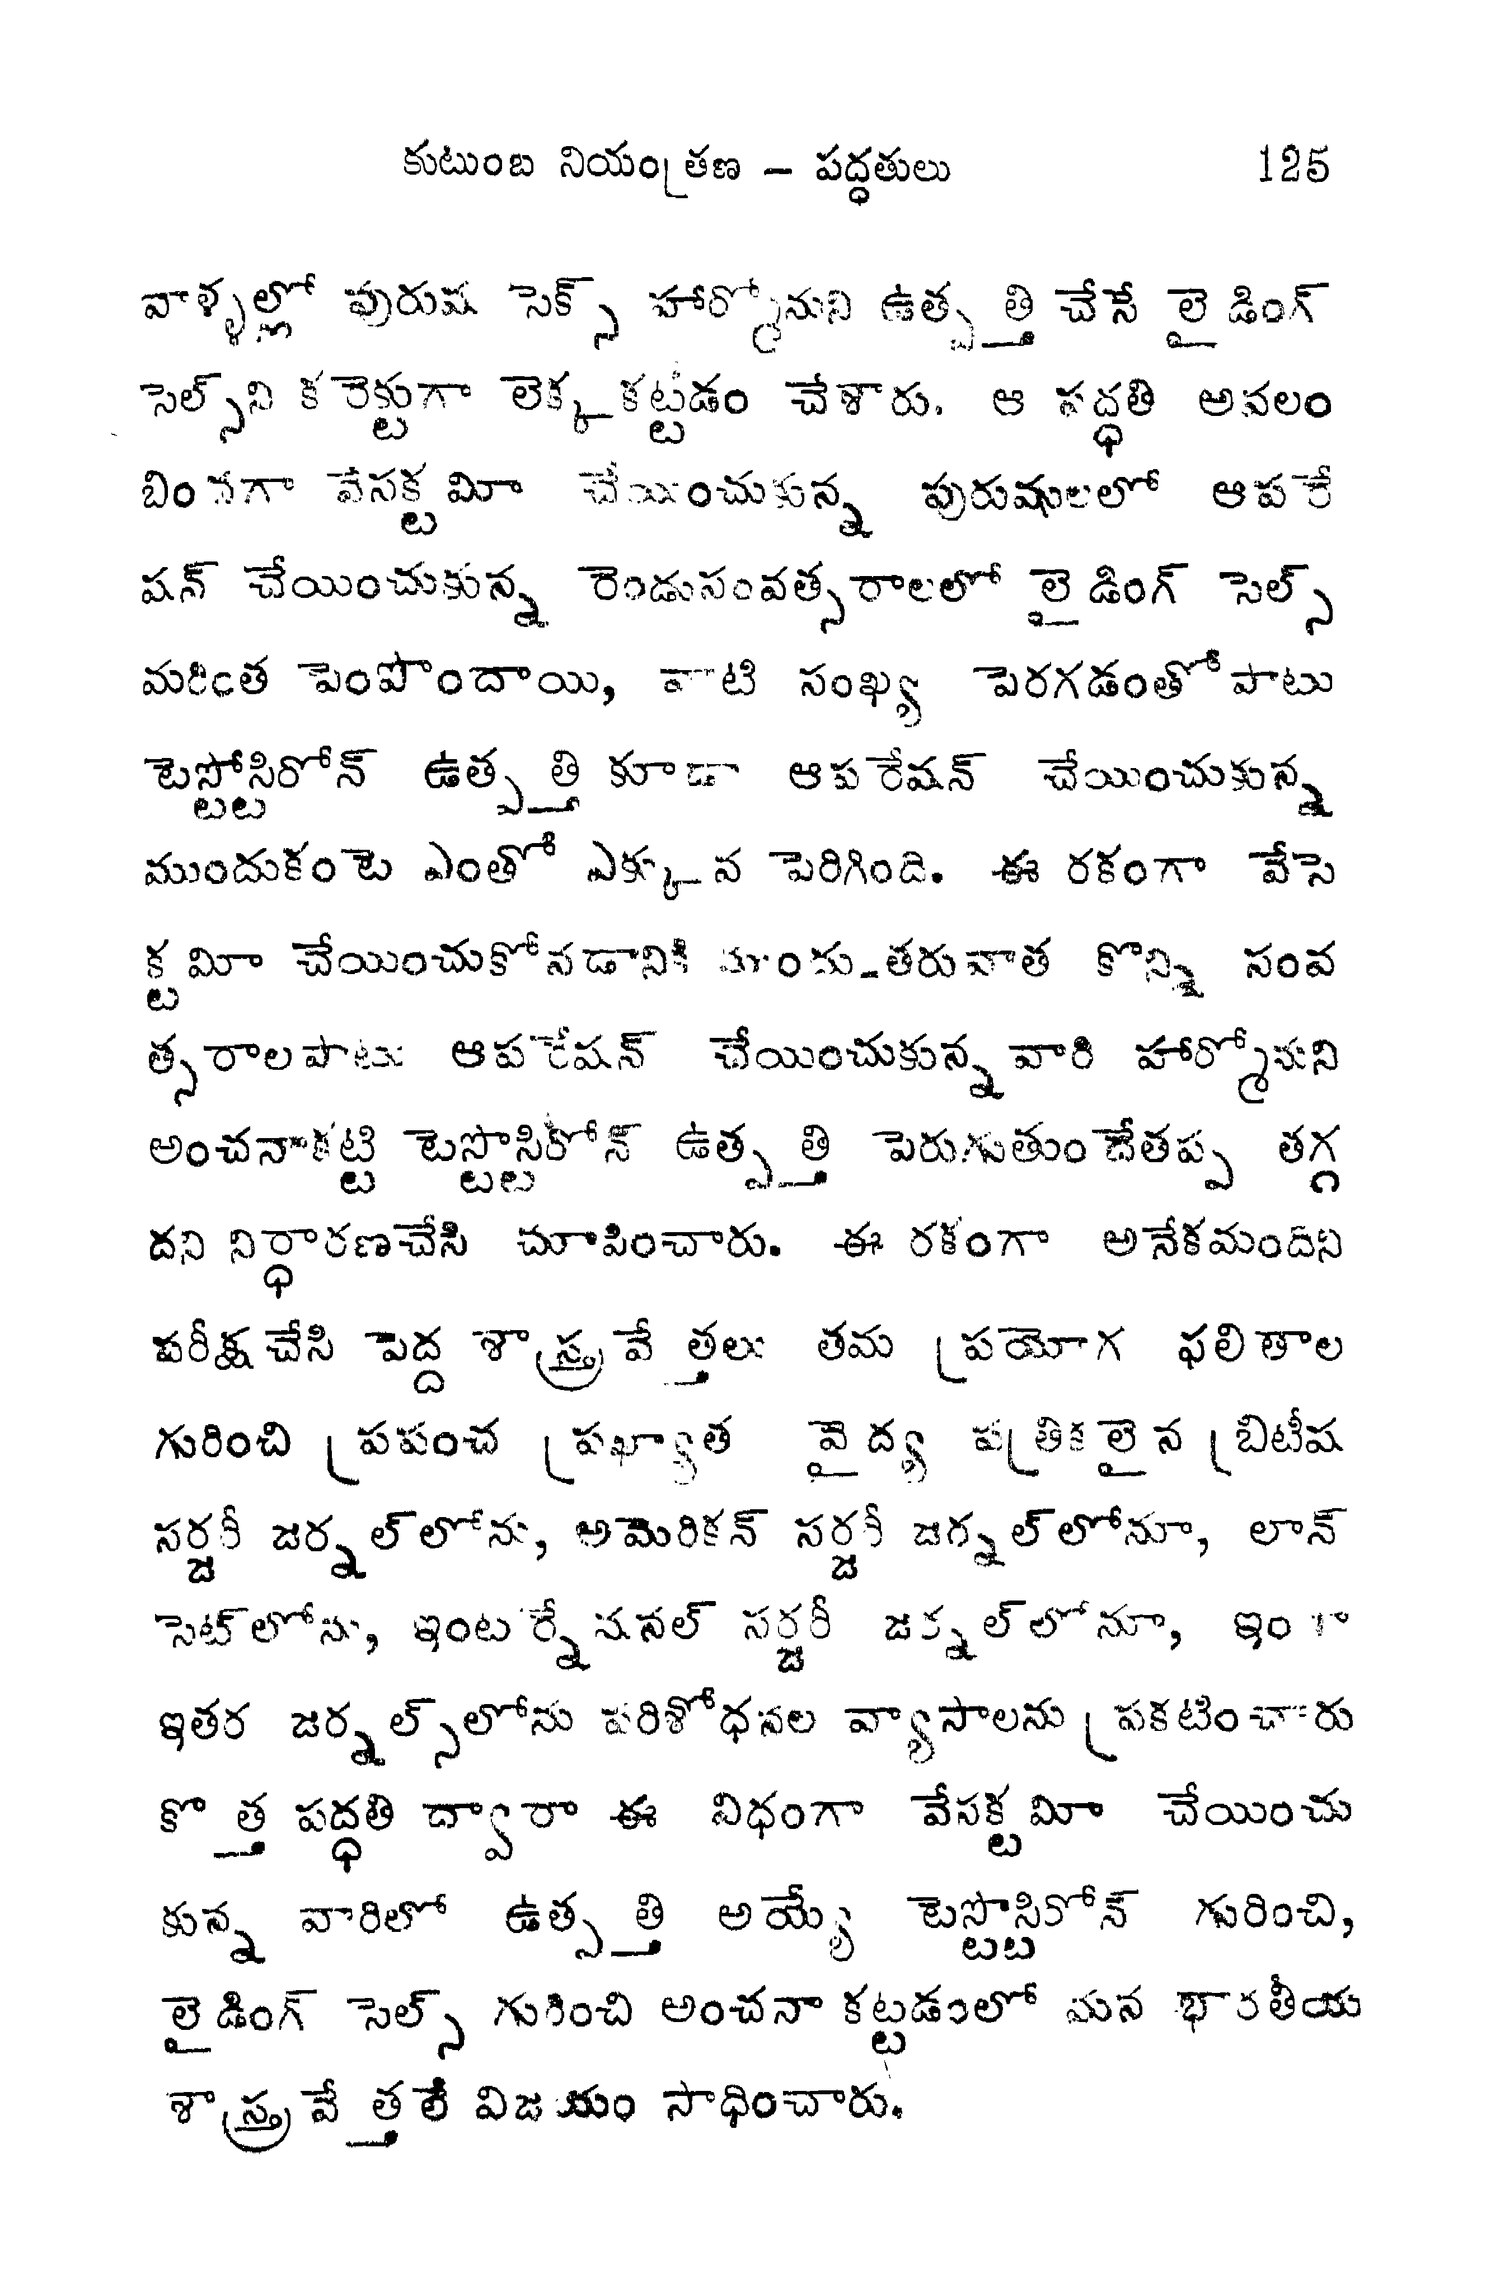వాళ్ళాల్లో పురుష సెక్స్ హార్మోను ని ఉత్పత్తి చేసే లైడింగ్ సెల్స్ ని కరక్టుగా లెక్కకట్టడం చేశారు. ఆ పద్ధతి అవలంబిచగా వేసక్టమీ చేయించుకున్న పురుషులలో ఆపరేషన్ చేయించుకున్న రెండుసంవత్సరాలలో లైడింగ్ సెల్స్ మరింత పెంపొందాయి, వాటి సంఖ్య పెరగడంతోపాటు టెస్టోస్టిరోన్ ఉత్పత్తికూడా ఆపరేషన్ చేయించుకున్న ముందుకంటె ఎంతో ఎక్కువ పెరిగింది. ఈ రకంగా వేసెక్టమీ చేయించుకోవడానికి ముందు-తరువాత కొన్ని సంవత్సరాలపాటు ఆఫరేషన్ చేయించుకున్నవారి హార్మోనుని అంచనాకట్టి టెస్టోస్టిరోన్ ఉత్పత్తి పెరుగుతుందేతప్ప తగ్గదని నిర్ధారణచేసి చూపించారు. ఈ రకంగా అనేకమందిని పరీక్షచేసి పెద్ద శాస్త్రవేత్తలు తమ ప్రయోగ ఫలితాల గురించి ప్రపంచ ప్రఖ్యాత వైద్య పత్రికలైన బ్రిటీష సర్జరీ జర్నల్ లోను, అమెరికన్ సర్జరీ జర్నల్ లోనూ, లాన్ సెట్ లోను, ఇంటర్నేషనల్ సర్జరీ జర్నల్ లోనూ, ఇంకా ఇతర జర్నల్స్‌లోను పరిశోధనల వ్యాసాలను ప్రకటించారు. కొత్తపధతి ద్వారా ఈ విధంగా వేసక్టమీ చేయించుకున్న వారిలో ఉత్పత్తి అయ్యే టెస్టొస్టిరోన్ గురించి, లైడింగ సెల్స్ గురించి అంచనా కట్టడంలో మన భారతీయ శాస్త్రవేత్తలే విజయం సాధించారు.